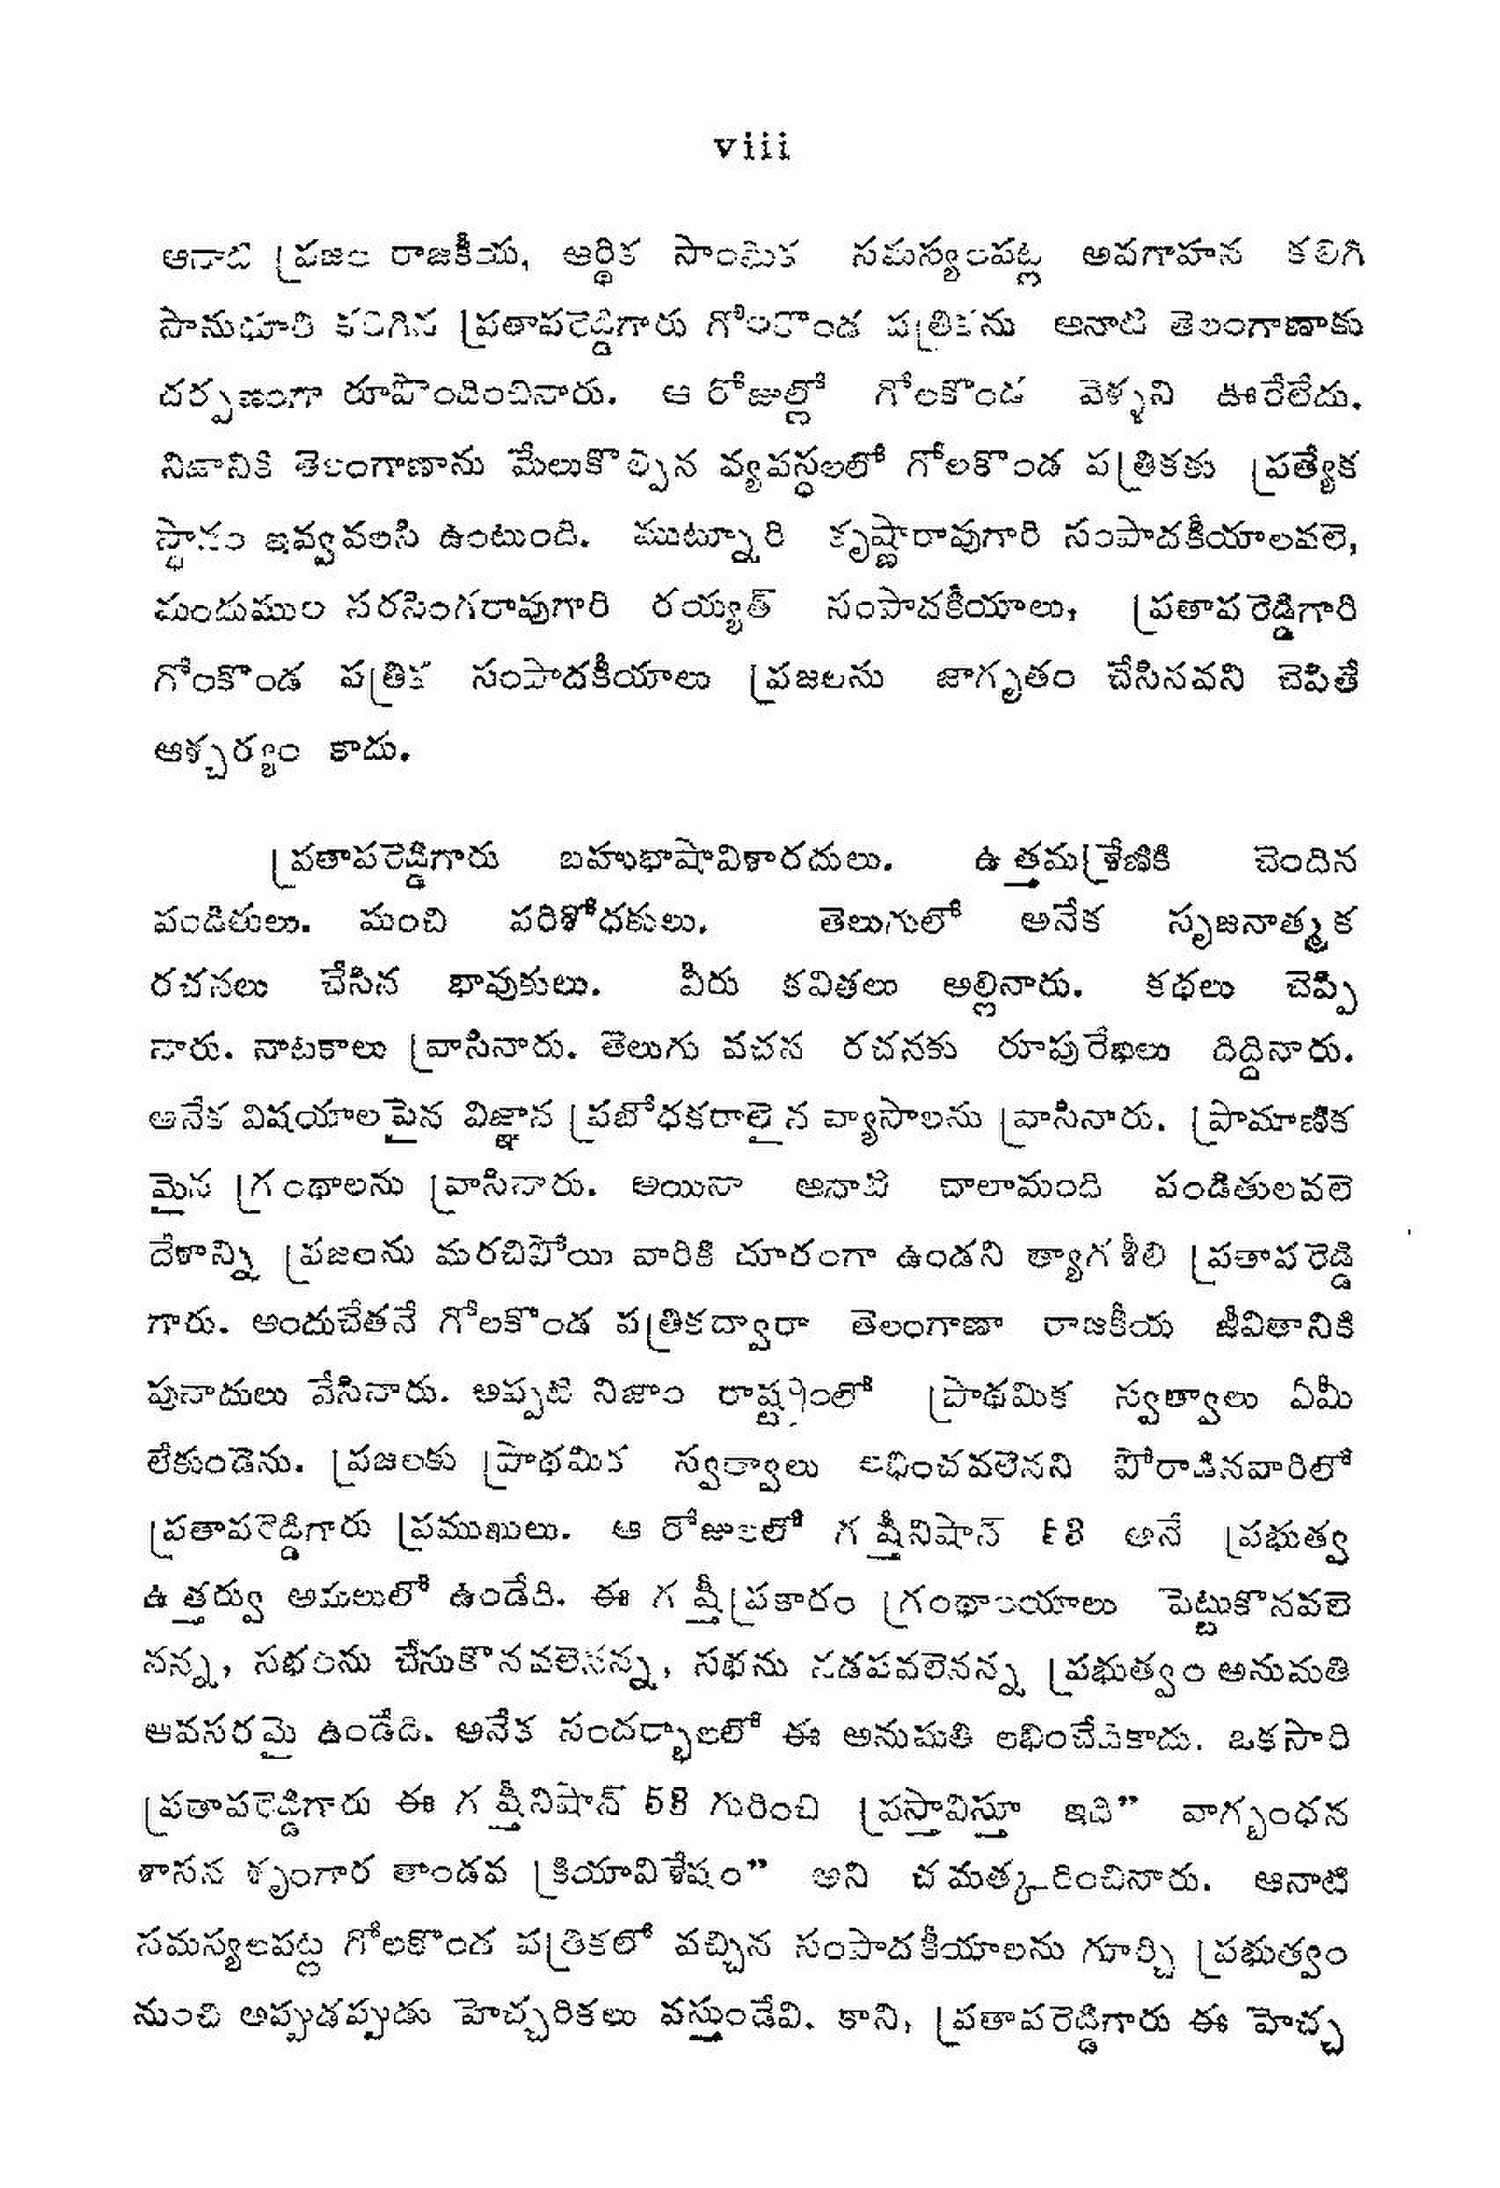ఆనాటి ప్రజల రాజకీయ, ఆర్థిక సాంఘిక సమస్యలపట్ల అవగాహన కలిగి సానుభూతి కలిగిన ప్రతాపరెడ్డిగారు గోలకొండ పత్రికను ఆనాటి తెలంగాణాకు దర్పణంగా రూపొందించినారు. ఆ రోజుల్లో గోలకొండ వెళ్ళని ఊరేలేదు.
నిజానికి తెలంగాణాను మేలుకొల్పిన వ్యవస్థలలో గోలకొండ పత్రికకు ప్రత్యేకస్థానం ఇవ్వవలసి ఉంటుంది. ముట్నూరి కృష్ణారావుగారి సంపాదకీయాలవలె, మందుముల నరసింగరావుగారి రయ్యత్ సంపాదకీయాలు, ప్రతాపరెడ్డిగారి
గోంకొండ పత్రిక సంపాదకీయాలు ప్రజలను జాగృతం చేసినవని చెపితే ఆశ్చర్యం కాదు.

ప్రతాపరెడ్డిగారు బహుభాషావిశారదులు. ఉత్తమశ్రేణికి చెందిన పండితులు. మంచి పరిశోధకులు. తెలుగులో అనేక సృజనాత్మక రచనలు చేసిన భావుకులు. వీరు కవితలు అల్లినారు. కథలు చెప్పినారు. నాటకాలు వ్రాసినారు. తెలుగు వచన రచనకు రూపురేఖలు దిద్దినారు. అనేక విషయాలపైన విజ్ఞాన ప్రబోధకరాలైన వ్యాసాలను వ్రాసినారు. ప్రామాణికమైన గ్రంథాలను వ్రాసినారు. అయినా అనాటి చాలామంది పండితులవలె దేశాన్ని ప్రజలను మరచిపోయి వారికి దూరంగా ఉండని త్యాగశీలి ప్రతాపరెడ్డిగారు. అందుచేతనే గోలకొండ పత్రికద్వారా తెలంగాణా రాజకీయ జీవితానికి పునాదులు వేసినారు. అప్పటి నిజాం రాష్ట్రంలో ప్రాథమిక స్వత్వాలు ఏమీ లేకుండెను. ప్రజలకు ప్రాథమిక స్వత్వాలు లభించవలెనని పోరాడినవారిలో ప్రతాపరెడ్డిగారు ప్రముఖులు. ఆ రోజులలో గష్తీనిషాన్ 53 అనే ప్రభుత్వ
ఉత్తర్వు అమలులో ఉండేది. ఈ గష్తీప్రకారం గ్రంథాలయాలు పెట్టుకొనవలెనన్న, సభలను చేసుకొనవలెనన్న, సభను నడపవలెనన్న ప్రభుత్వం అనుమతి అవసరమై ఉండేది. అనేక సందర్భాలలో ఈ అనుమతి లభించేదికాదు. ఒకసారి ప్రతాపరెడ్డిగారు ఈ గష్తీనిషాన్ 53 గురించి ప్రస్తావిస్తూ ఇది" వాగ్బంధన శాసన శృంగార తాండవ క్రియావిశేషం" అని చమత్కరించినారు. ఆనాటి సమస్యలపట్ల గోలకొండ పత్రికలో వచ్చిన సంపాదకీయాలను గూర్చి ప్రభుత్వం నుంచి అప్పుడప్పుడు హెచ్చరికలు వస్తుండేవి. కాని, ప్రతాపరెడ్డిగారు ఈ హెచ్చ